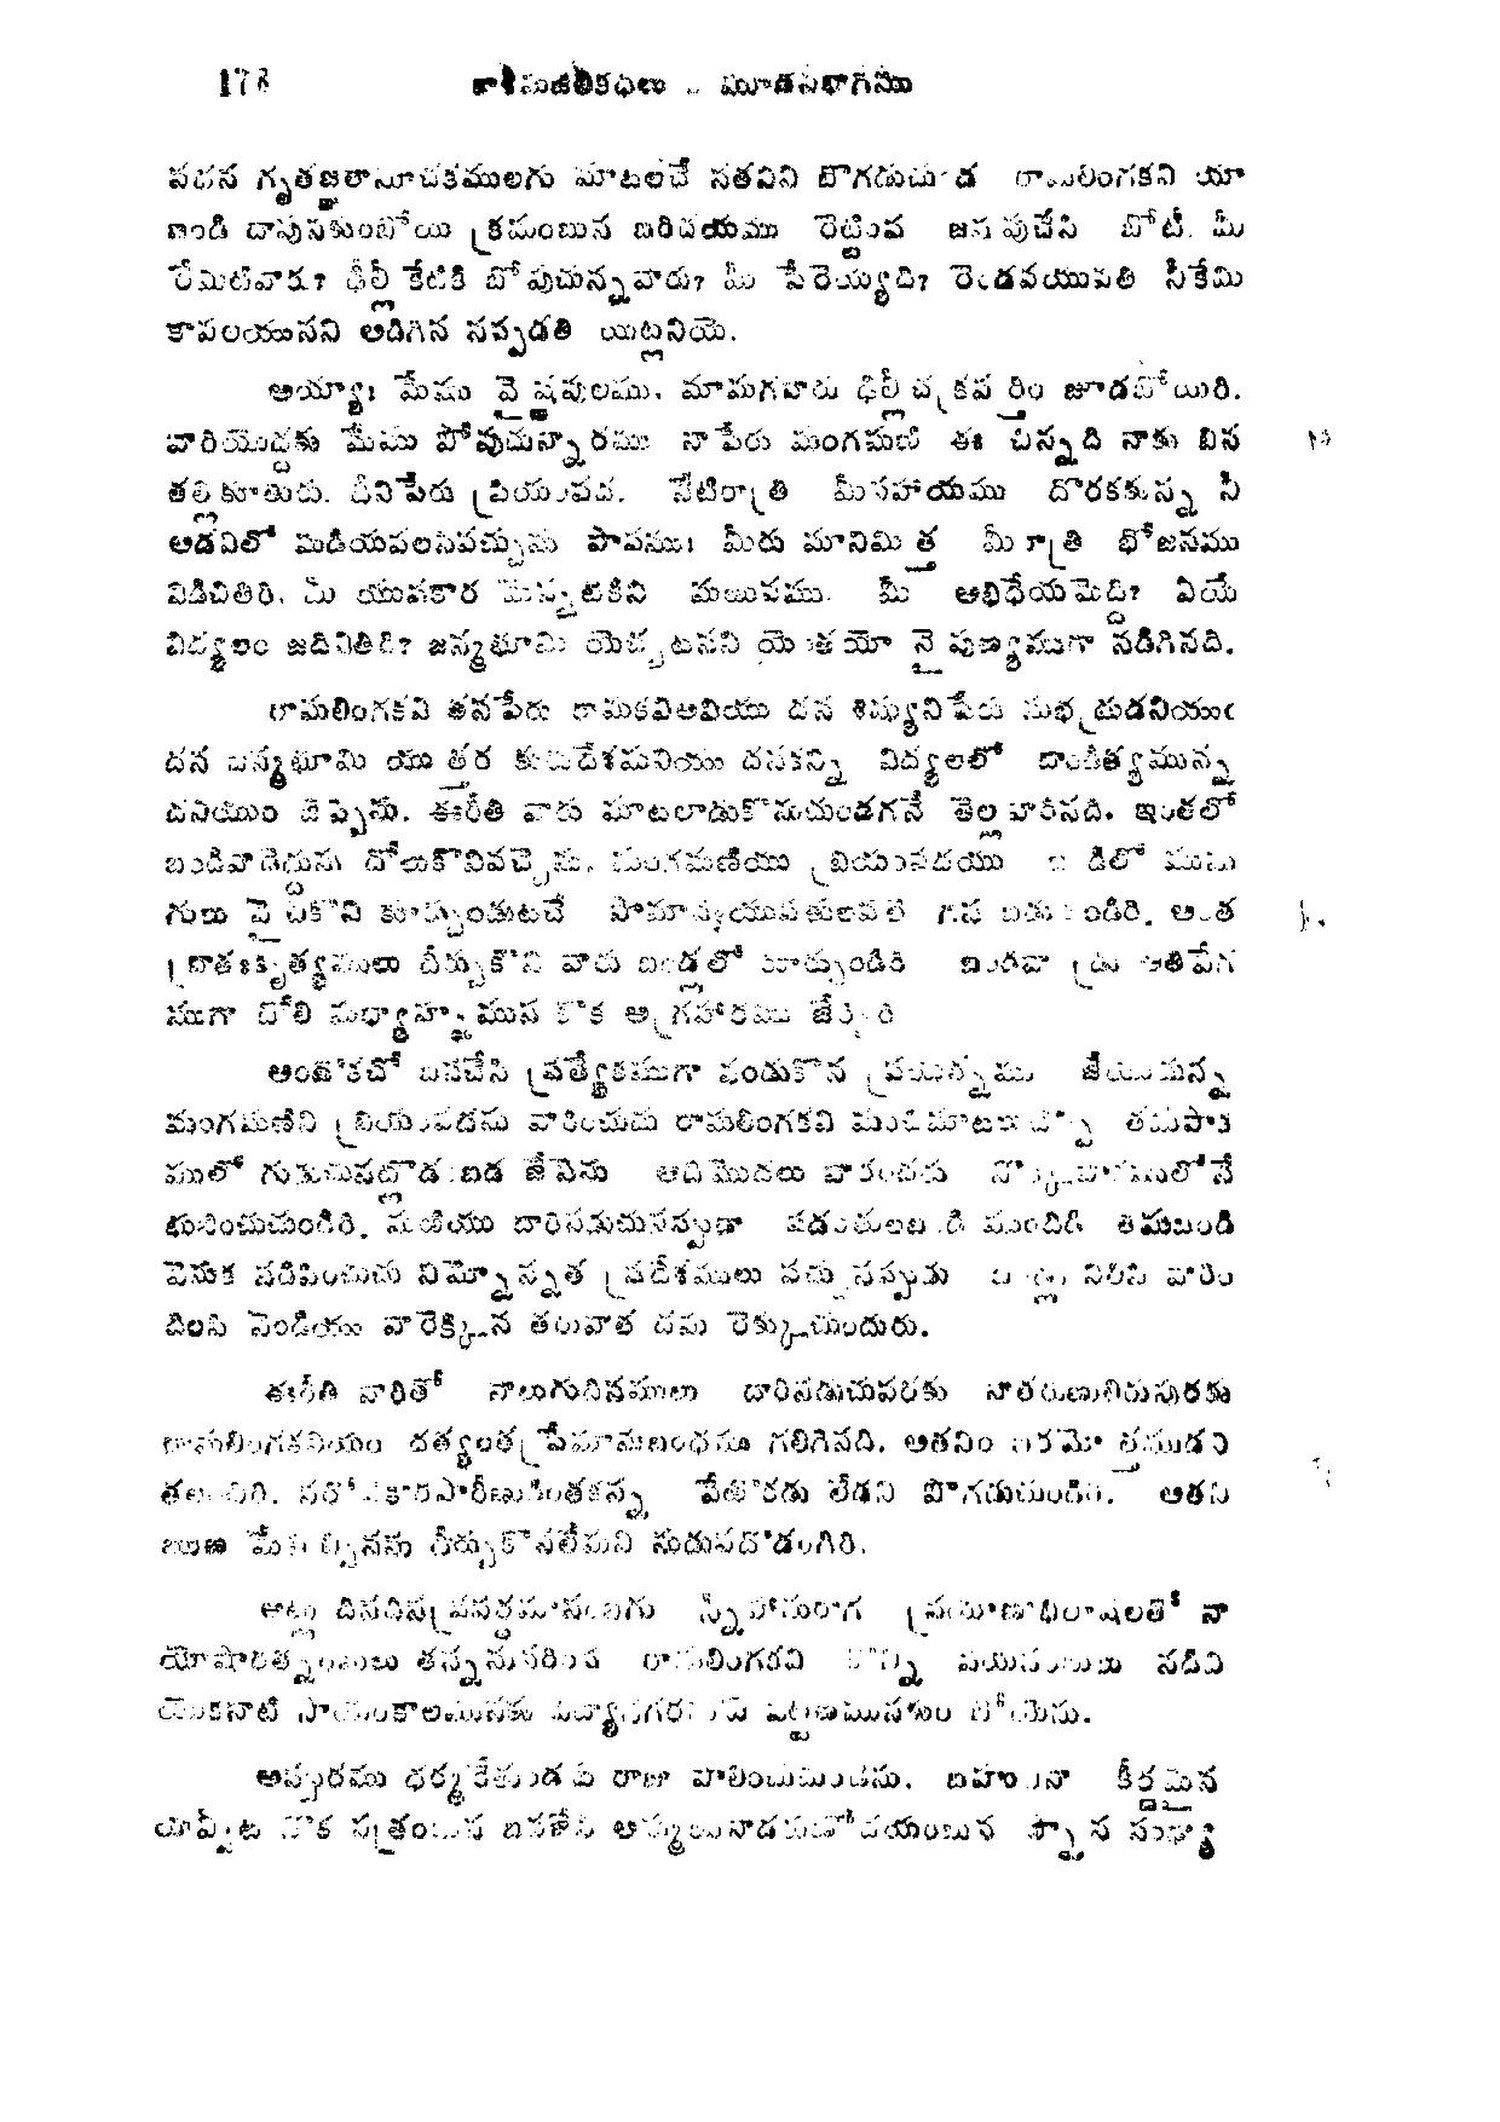వదన గృతజ్ఞతాసూచకములగు మాటలచే నతనిని బొగడుచుండ రామలింగకవి యా బండిదాపునకుం బోయి క్రమంబున బరిచయము రెట్టింప జనువుచేసి బోటీ, మీ రేమిటివారు? ఢిల్లీ కేటికి బోవుచున్నవారు? మీ పేరెయ్యది? రెండవయువతి నీ కేమి కావలయునని అడిగిన నప్పడతి యిట్లనియె.

అయ్యా! మేము వైష్ణవులము. మామగవారు ఢిల్లీ చక్రవర్తిం జూడబోయిరి. వారి యొద్దకు మేము పోవుచున్నారము. నా పేరు మంగమణి. ఈ చిన్నది నాకు బినతల్లి కూతురు. దీనిపేరు ప్రియంవద. నేటిరాత్రి మీ సహాయము దొరకకున్న నీ అడవిలో మడియవలసివచ్చును పాపము. మీరు మానిమిత్త మీరాత్రి భోజనము విడిచితిరి. మీ యుపకార మెన్నటికిని మఱువము. మీ అభిధేయమెద్ది? ఏయే విద్యలం జదివితిరి? జన్మభూమి యెచ్చటనని యెంతయో నైపుణ్యముగా నడిగినది.

రామలింగకవి తనపేరు రామకవిఅనియు దన శిష్యునిపేరు సుభద్రుడనియుఁ దన జన్మభూమి యుత్తర కురుదేశమనియు దనకన్నివిద్యలలో బాండిత్యమున్నదనియుం జెప్పెను. ఈరీతి వారు మాటలాడుకొను చుండగనే తెల్లవారినది. ఇంతలో బండివాడెద్దును దోలుకొనివచ్చెను. మంగమణియు బ్రియంవదయు
బండిలో ముసుగులు వైచికొని కూర్చుండుటచే సామాన్యయువతులవలె గనంబడుచుండిరి. అంత
బ్రాతఃకృత్యములు దీర్చుకొని వారు బండ్లలో కూర్చుండిరి. బండివాండ్రు అతివేగముగా దోలి మధ్యాహ్నమున కొక అగ్రహారము జేరిరి. 

అందొకచో బసచేసి ప్రత్యేకముగా వండుకొన ప్రయత్నము జేయుచున్న మంగమణిని బ్రియంవదను వారించుచు రామలింగకవి మంచిమాటలు జెప్పి తమపాకములో గుడుచునట్లొడంబడ జేసెను. అదిమొదలు వారందరు నొక్కపాకములోనే భుజించుచుండిరి. మఱియు దారినడుచునప్పుడా పడతులబండి ముందిడి తమబండి వెనుక నడిపించుచు నిమ్నోన్నత ప్రదేశములు వచ్చునప్పుడు బండ్లు నిలిపి వారిం దింపి వెండియు వారెక్కిన తరువాత దమ రెక్కుచుందురు.

ఈరీతి వారితో నాలుగుదినములు దారినడుచువరకు నాతరుణులిరువురకు రామలింగకవియం దత్యంతప్రేమానుబంధము గలిగినది. అతనిం బరమోత్తముడని తలంచిరి. పరోపకారపారీణుడింతకన్న వేఱొకడు లేడని పొగడుచుండిరి. ఆతని ఋణ మేమిచ్చినను దీర్చుకొనలేమని నుడువదొడంగిరి.

అట్లు దినదినప్రవర్దమానంబగు స్నేహానురాగప్రయాణాభిలాషలతో నా యోషారత్నంబులు తన్ననుసరింప రామలింగకవి కొన్ని పయనంబులు నడిచి యొకనాటి సాయంకాలమునకు విద్యానగరమను పట్టణమునకుం బోయెను.

అప్పురము ధర్మకేతుండను రాజు పాలించుచుండెను. బహుజనాకీర్ణమైన యవ్వీట నొకసత్రంబున బసజేసి అమ్మఱునాడరుణోదయంబున స్నాన సంధ్యా